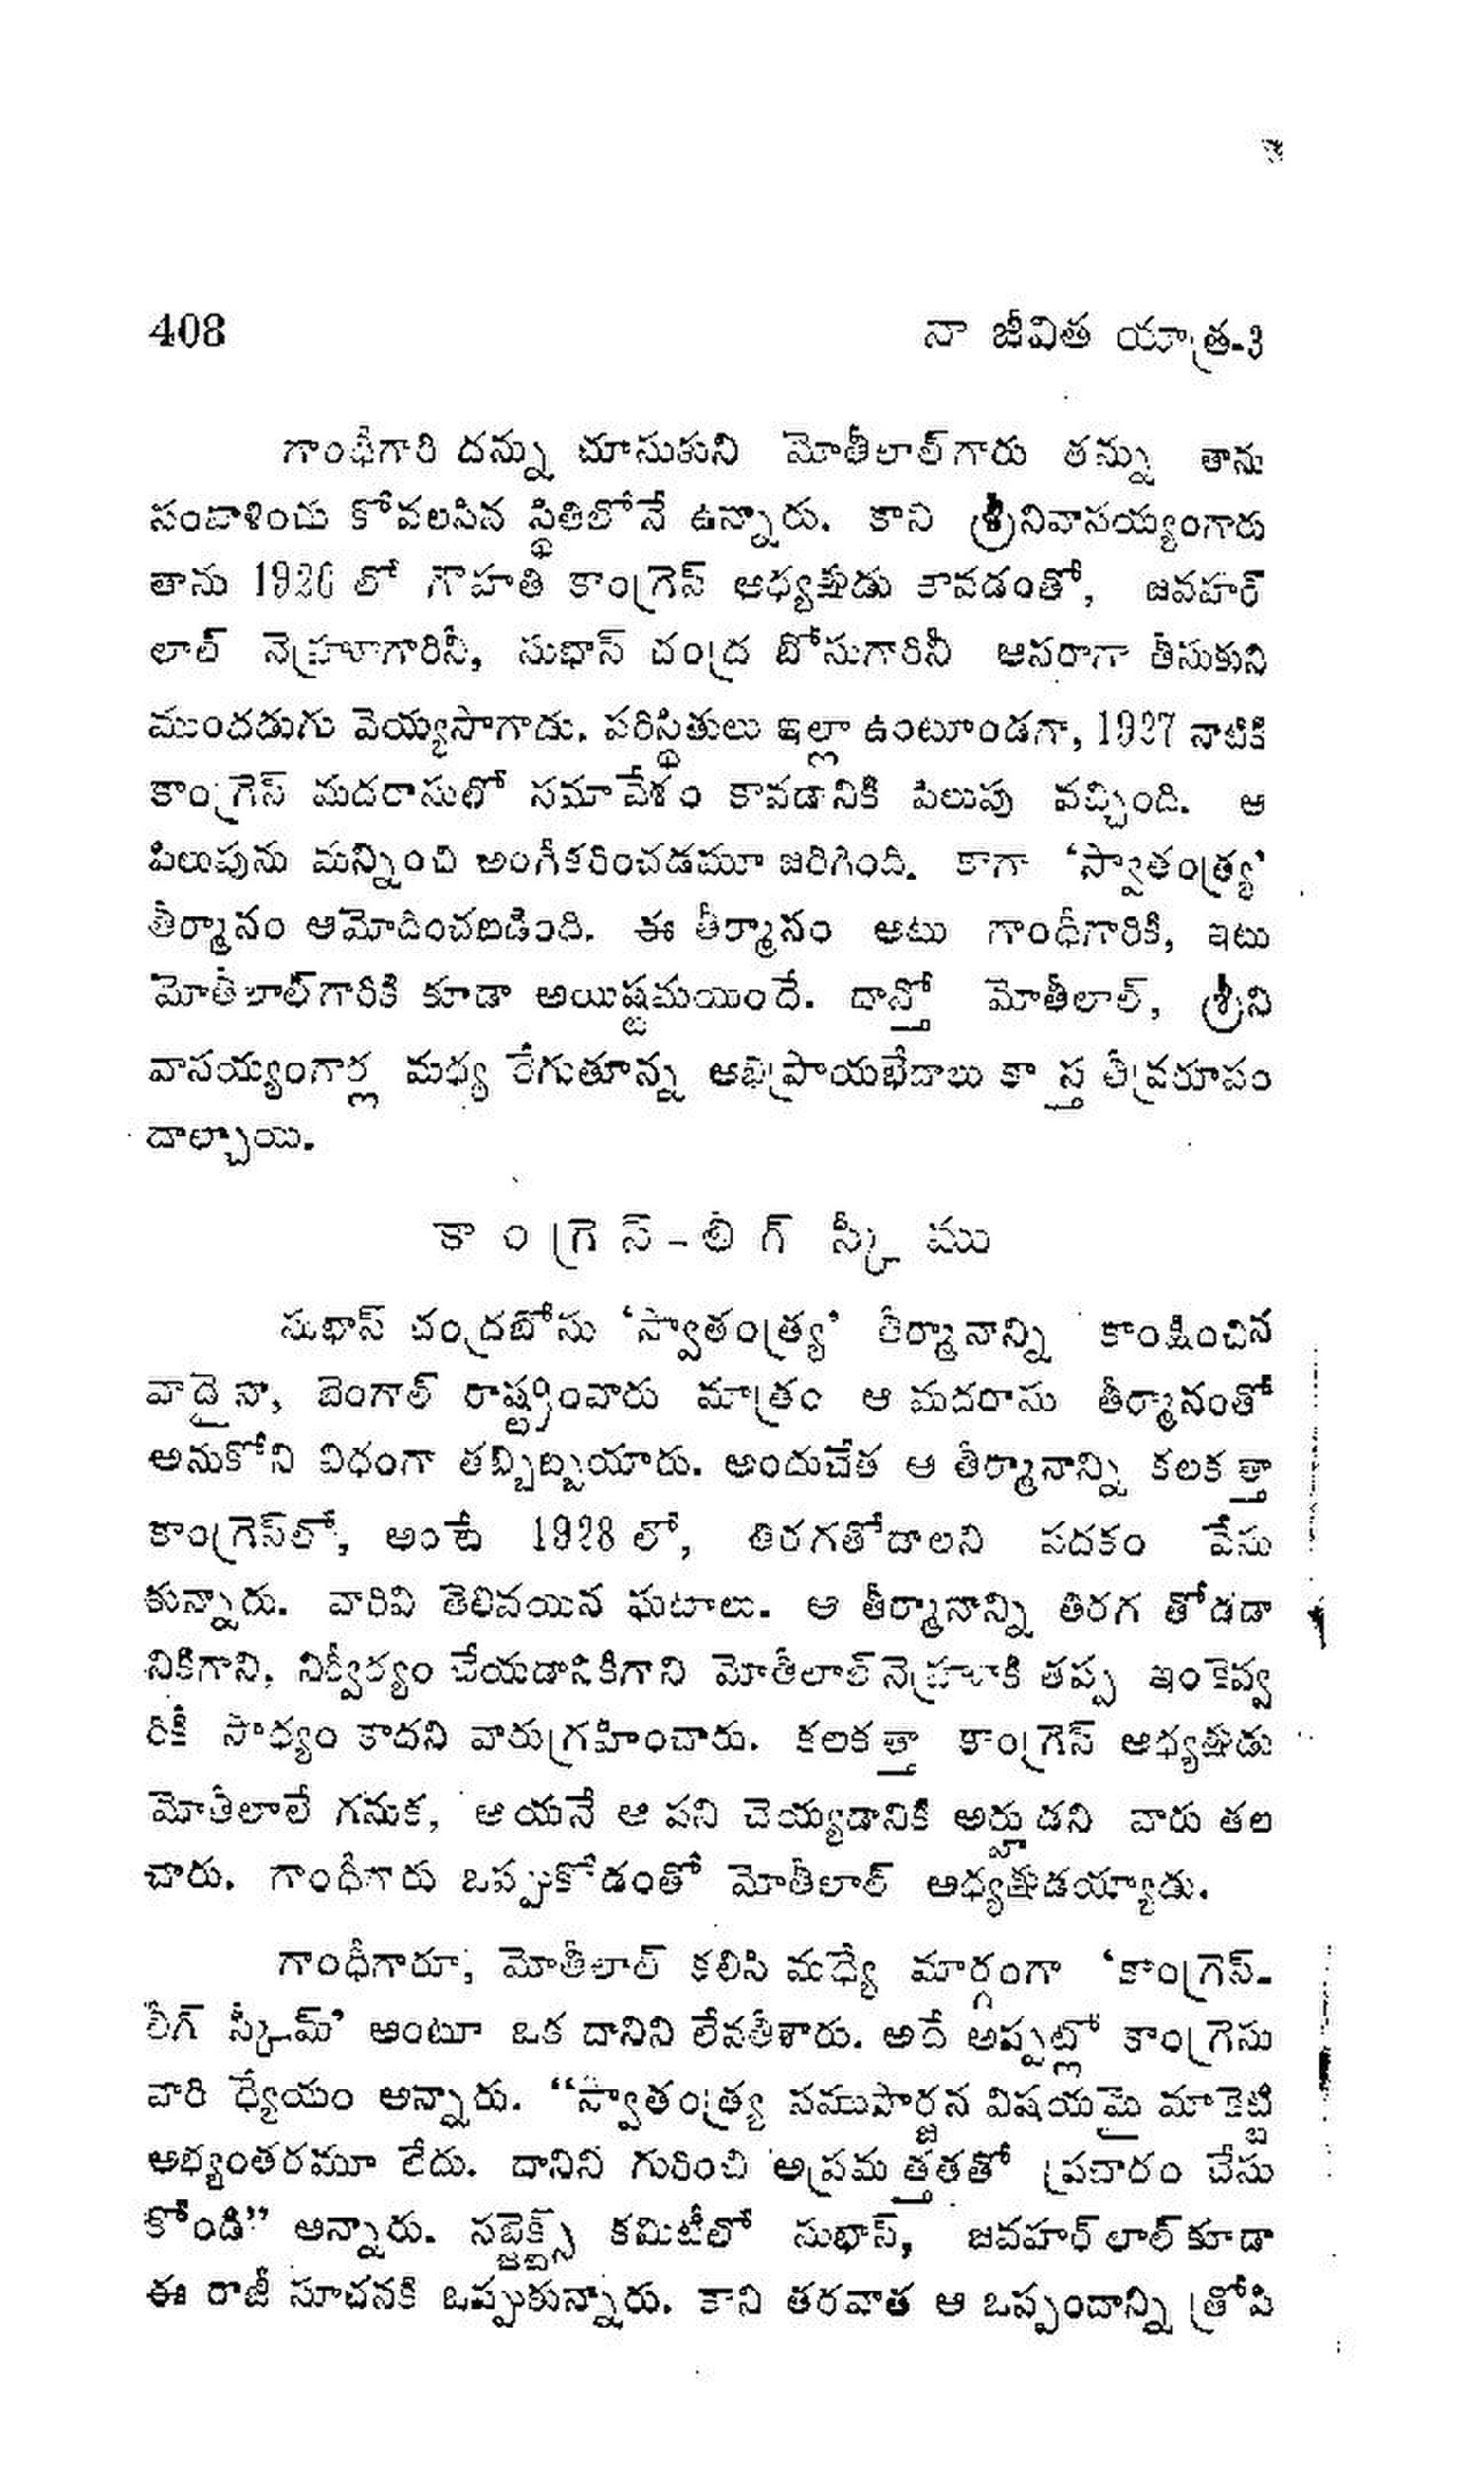గాంధీగారి దన్ను చూసుకుని మోతీలాల్‌గారు తన్ను తాను సంబాళించు కోవలసిన స్థితిలోనే ఉన్నారు. కాని శ్రీనివాసయ్యంగారు తాను 1926 లో గౌహతి కాంగ్రెస్ అధ్యక్షుడు కావడంతో, జవహర్‌లాల్ నెహ్రూగారినీ, సుభాస్ చంద్ర బోసుగారినీ అసరాగా తీసుకుని ముందడుగు వెయ్యసాగాడు. పరిస్థితులు ఇల్లా ఉంటూండగా, 1927 నాటికి కాంగ్రెస్ మదరాసులో సమావేశం కావడానికి పిలుపు వచ్చింది. ఆ పిలుపును మన్నించి అంగీకరించడమూ జరిగింది. కాగా 'స్వాతంత్ర్య' తీర్మానం ఆమోదించబడింది. ఈ తీర్మానం అటు గాంధీగారికి, ఇటు మోతీలాల్‌గారికి కూడా అయిష్టమయిందే. దాన్తో మోతీలాల్, శ్రీనివాసయ్యంగార్ల మధ్య రేగుతూన్న అభిప్రాయభేదాలు కాస్త తీవ్రరూపం దాల్చాయి.

సుభాస్ చంద్రబోసు 'స్వాతంత్ర్య' తీర్మానాన్ని కాంక్షించిన వాడైనా, బెంగాల్ రాష్ట్రంవారు మాత్రం ఆ మదరాసు తీర్మానంతో అనుకోని విధంగా తబ్బిబ్బయారు. అందుచేత ఆ తీర్మానాన్ని కలకత్తా కాంగ్రెస్‌లో, అంటే 1928 లో, తిరగతోడాలని పదకం వేసుకున్నారు. వారివి తెలివయిన ఘటాలు. ఆ తీర్మానాన్ని తిరగ తోడడానికిగాని, నిర్వీర్యం చేయడానికిగాని మోతీలాల్‌నెహ్రూకి తప్ప ఇంకెవ్వరికీ సాధ్యం కాదని వారుగ్రహించారు. కలకత్తా కాంగ్రెస్ అధ్యక్షుడు మోతీలాలే గనుక, ఆయనే ఆ పని చెయ్యడానికి అర్హుడని వారు తలచారు. గాంధీగారు ఒప్పుకోడంతో మోతీలాల్ అధ్యక్షుడయ్యాడు.

గాంధీగారూ, మోతీలాల్ కలసి మధ్యే మార్గంగా 'కాంగ్రెస్ - లీగ్ స్కీమ్‌' అంటూ ఒక దానిని లేవతీశారు. అదే అప్పట్లో కాంగ్రెసు వారి ధ్యేయం అన్నారు. "స్వాతంత్ర్య సముపార్జన విషయమై మాకెట్టి అభ్యంతరమూ లేదు.. దానిని గురించి అప్రమత్తతతో ప్రచారం చేసుకోండి" అన్నారు. సబ్జెక్ట్స్ కమిటీలో సుభాస్, జవహర్‌లాల్‌కూడా ఈ రాజీ సూచనకి ఒప్పుకున్నారు. కాని తరవాత అ ఒప్పందాన్ని త్రోసి